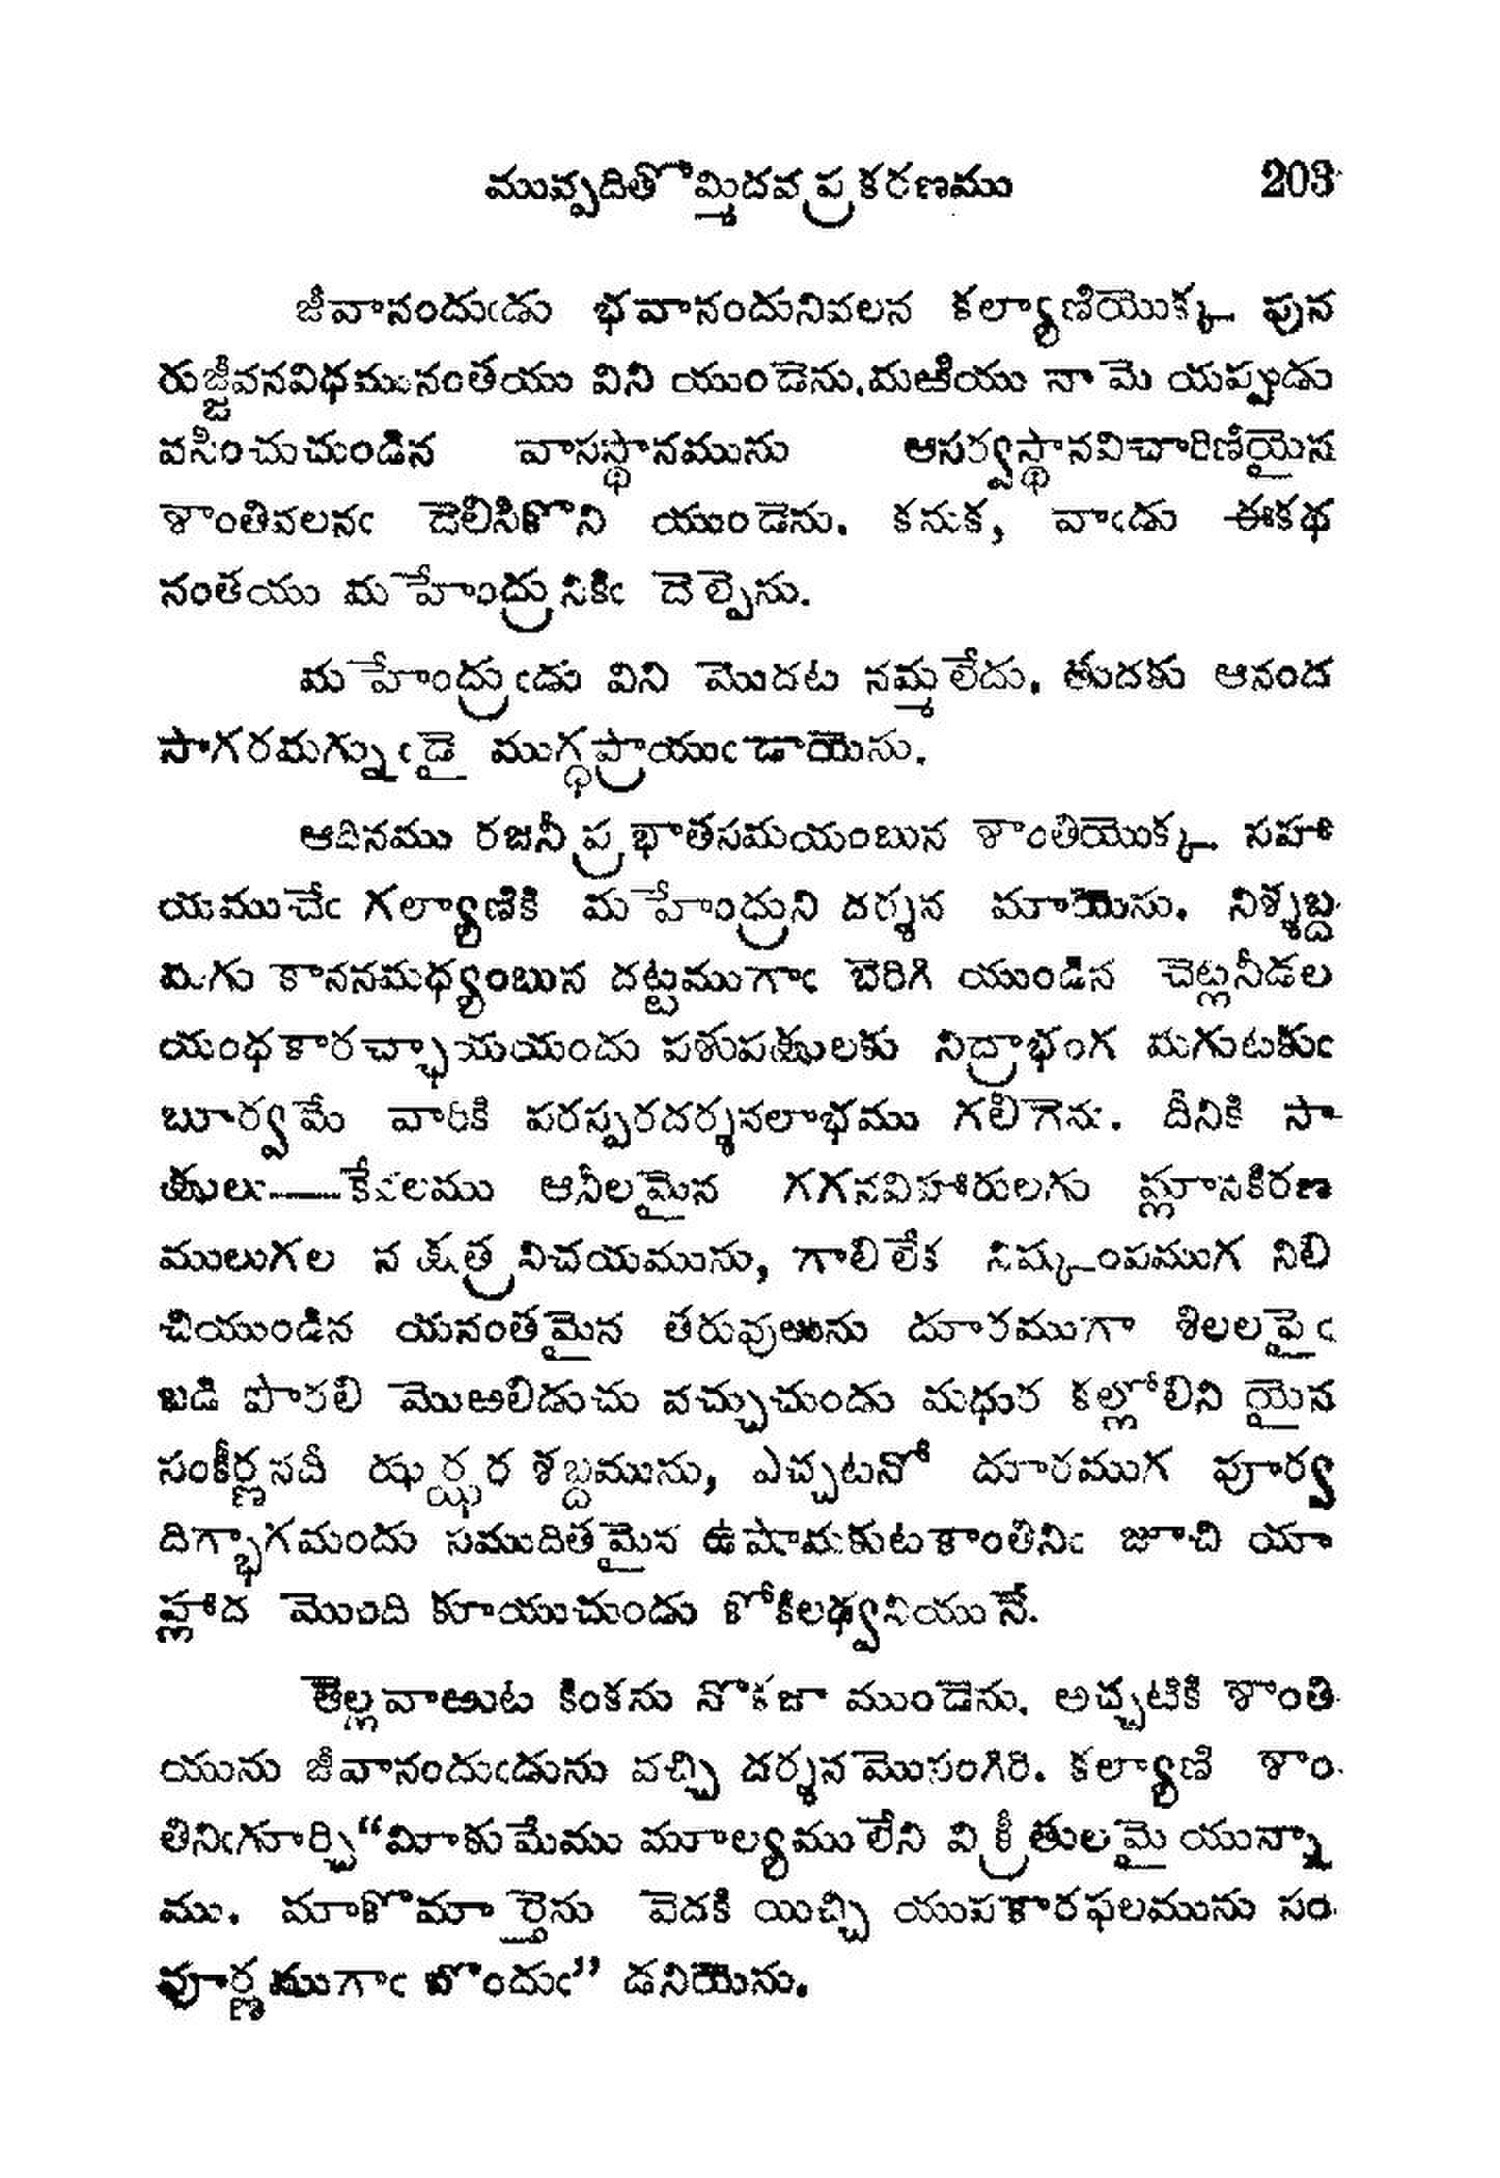జీవానందుఁడు భవానం దునివలన కల్యాణి యొక్క పునరుజ్జీవనవిధమునంతయు విని యుండెను,మఱియు నామె యప్పుడు వసించుచుండిన వాసస్థానమును ఆసర్వస్థానవిచారిణియైన శాంతివలనఁ దెలిసికొని యుండెను. కనుక, వాఁడు ఈకథ నంతయు మహేంద్రునికిఁ దెల్పెను.

మహేంద్రుఁడు విని మొదట నమ్మలేదు. తుదకు ఆనంద సాగరమగ్నుఁడై ముగ్ధ ప్రాయుఁ డాయెను.

ఆదినము రజనీ ప్రభాత సమయంబున శాంతియొక్క సహాయముచేఁ గల్యాణికి మహేంద్రుని దర్శన మాయెసు, నిశ్శబ్దమగు
కానన మధ్యంబున దట్టముగాఁ బెరిగి యుండిన చెట్లనీడల యంధకారచ్ఛాయయందు పశుపక్షులకు నిద్రాభంగ మగుటకుఁ
బూర్వమే వారికి పరస్పరదర్శనలాభము గలిగెను. దీనికి సాక్షులు—— కేవలము ఆనీలమైన గగనవిహారులగు మ్లానకిరణములు గల నక్షత్ర విచయమును, గాలి లేక నిష్కంపముగ నిలిచియుండిన యనంతమైన తరువులును దూరముగా శిలలపైఁ
బడి పొగలి మొఱలిడుచు వచ్చుచుండు మధుర కల్లోలిని యైన సంకీర్ణ నదీ ఝుర్ఘర శబ్దమును, ఎచ్చటనో దూరముగ పూర్వ
దిగ్భాగమందు సముదితమైన ఉషామకుట కాంతినిఁ జూచి యాహ్లాద మొంది కూయుచుండు కోకిలద్వనియునే.

తెల్ల వాఱుట కింకను నొకజా ముండెను, అచ్చటికి శాంతియును జీవానందుఁడును వచ్చి దర్శన మొసంగిరి. కల్యాణి శాంతినిఁగూర్చి “మీకు మేము మూల్యము లేని విక్రీతులమై యున్నాము. మాకొమార్తెను వెదకి యిచ్చి యుపకారఫలమును సం
పూర్ణముగాఁ బొందుఁ" డనియెను.